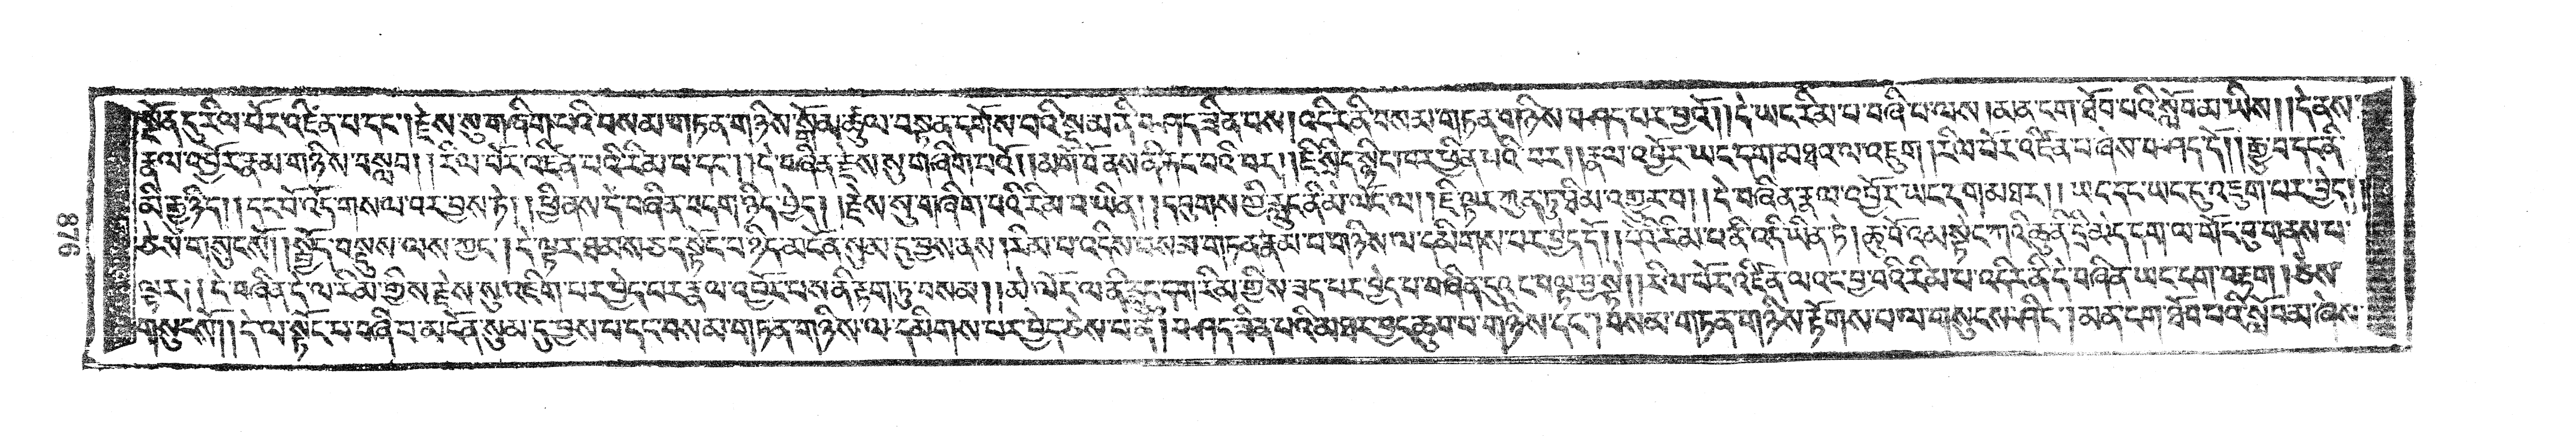སྔོན་དུ་རིལ་པོར་འཛིན་པ་དང་། རྗེས་སུ་གཞིག་པའི་བསམ་གཏན་གཉིས་སྒོམ་ཚུལ་བསྟན་དགོས་པའི་སྔ་མ་ནི་བཤད་ཟིན་པས། འདིར་ནི་བསམ་གཏན་གཉིས་བཤད་པར་བྱའོ། །དེ་ཡང་རིམ་པ་བཞི་པ་ལས། མན་ངག་ཐོབ་པའི་སློབ་མ་ཡིས། །དེ་ནས་
རྣལ་འབྱོར་རྣམ་གཉིས་བསླབ། །རིལ་པོར་འཛིན་པའི་རིམ་པ་དང་། །དེ་བཞིན་རྗེས་སུ་གཞིག་པའོ། །མགོ་བོ་ནས་ནི་རྐང་བའི་བར། །ཇི་སྲིད་སྙིང་ཁར་ཕྱིན་པའི་བར། །རྣལ་འབྱོར་ཡང་དག་མཐའ་ལ་འཇུག །རིལ་པོར་འཛིན་པ་ཞེས་བཤད་དོ། །རྒྱུ་བ་དང་ནི་
མ་རྒྱུད་ཉིད། །དང་པོ་འོད་གསལ་བར་བྱས་ཏེ། །ཕྱི་ནས་དེ་བཞིན་བདག་ཉིད་བྱེད། །རྗེས་སུ་གཞིག་པའི་རིམ་པ་ཡིན། །དབུགས་ཀྱི་རླུང་ནི་མེ་ལོང་ལ། །ཇི་ལྟར་ཀུན་ཏུ་ཐིམ་འགྱུར་བ། །དེ་བཞིན་རྣལ་འབྱོར་ཡང་དག་མཐར། །ཡང་དང་ཡང་དུ་འཇུག་པར་བྱེད། །
ཅེས་གསུངས་སོ། །སྤྱོད་བསྡུས་ལས་ཀྱང་། དེ་ལྟར་ཐམས་ཅད་སྟོང་པ་ཉིད་མངོན་སུམ་དུ་བྱས་ནས། རིམ་པ་འདིས་བསམ་གཏན་རྣམ་པ་གཉིས་ལ་དམིགས་པར་བྱེད་དོ། །དེའི་རིམ་པ་ནི་འདི་ཡིན་ཏེ། ཆུ་བོ་འམ་སྟེང་ཀའི་ཆུ་ནི་དྲི་མེད་དག་ལ་གོང་བུ་གནས་པ་
ལྟར། །དེ་བཞིན་དེ་ལ་རིམ་གྱིས་རྗེས་སུ་འཇིག་པར་བྱེད་པར་རྣལ་འབྱོར་པས་ནི་རྟག་ཏུ་བསམ། །མེ་ལོང་ལ་ནི་རླུང་དག་རིམ་གྱིས་ཟད་པར་བྱེད་པ་བཞིན་དུའང་བལྟ་བྱ་སྟེ། །རིལ་པོར་འཛིན་ལའང་བྱ་བའི་རིམ་པ་འདིར་ནི་དེ་བཞིན་ཡང་དག་བརྟག །ཅེས་
གསུངས་སོ། །དེ་ལ་སྟོང་པ་བཞི་པ་མངོན་སུམ་དུ་བྱས་པ་དང་བསམ་གཏན་གཉིས་ལ་དམིགས་པར་བྱེད་ཅེས་པ་ནི། བཤད་ཟིན་པའི་མཐར་བྱང་ཆུབ་པ་གཉིས་དང་། བསམ་གཏན་གཉིས་རྟོགས་པ་ལ་གསུངས་ཤིང་། མན་ངག་ཐོབ་པའི་སློབ་མ་ཞེས་